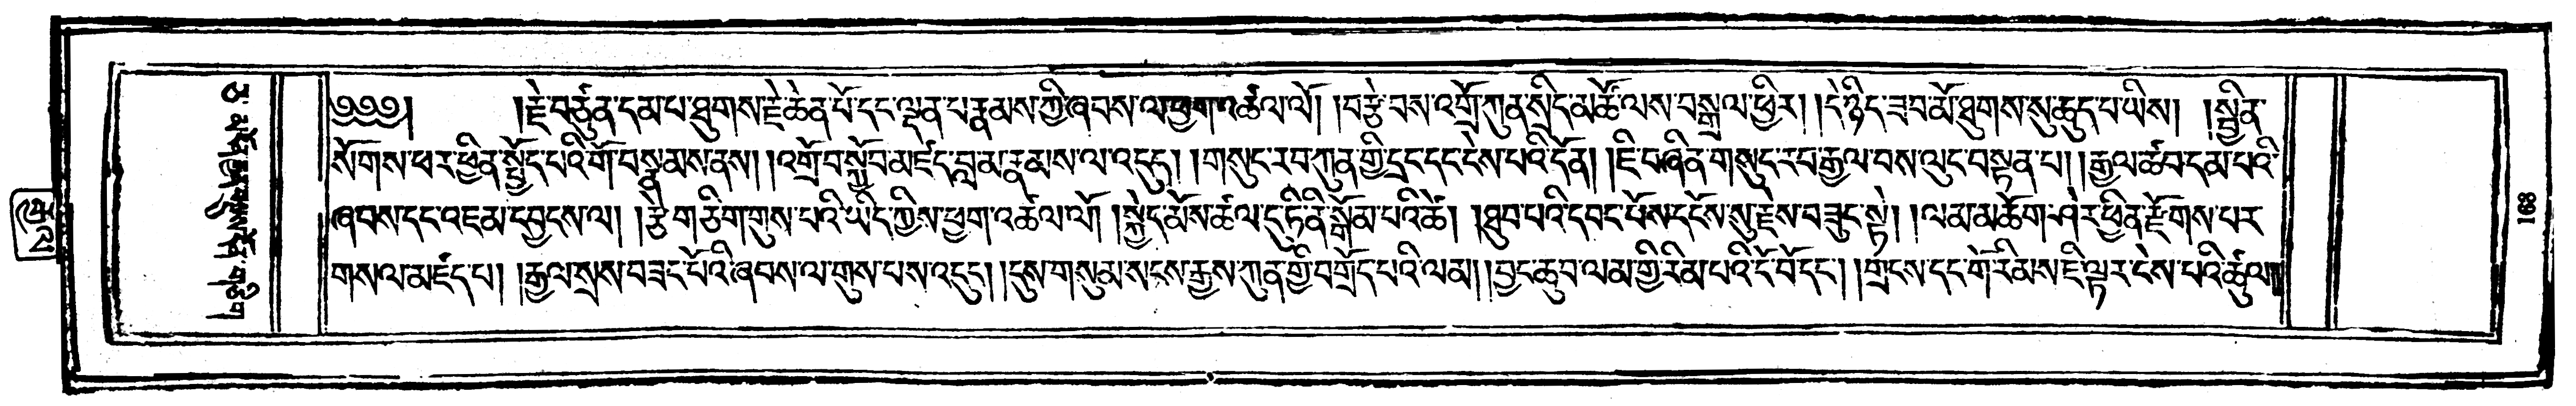རྗེ་བཙུན་དམ་པ་ཐུགས་རྗེ་ཆེན་པོ་དང་ལྡན་པ་རྣམས་ཀྱི་ཞབས་ལ་ཕྱག་འཚལ་ལོ། །བརྩེ་བས་འགྲོ་ཀུན་སྲིད་མཚོ་ལས་བསྒྲལ་ཕྱིར། །དེ་ཉིད་ཟབ་མོ་ཐུགས་སུ་ཆུད་པ་ཡིས། །སྦྱིན་
སོགས་ཕར་ཕྱིན་སྤྱོད་པའི་གོ་བསྣམས་ནས། །འགྲོ་བ་སྐྱོབ་མཛད་བླ་མ་རྣམས་ལ་འདུད། །གསུང་རབ་ཀུན་གྱི་དྲང་དང་ངེས་པའི་དོན། །ཇི་བཞིན་གསུང་རབ་རྒྱལ་བས་ལུང་བསྟན་པ། །རྒྱལ་ཚབ་དམ་པའི་
ཞབས་དང་འཇམ་དབྱངས་ལ། །རྩེ་གཅིག་གུས་པའི་ཡིད་ཀྱིས་ཕྱག་འཚལ་ལོ། །སྐྱེད་མོས་ཚལ་དུ་ཏི་ནི་སྒོམ་པའི་ཚེ། །ཐུབ་པའི་དབང་པོས་དངོས་སུ་རྗེས་བཟུང་སྟེ། །ལམ་མཆོག་ཤེར་ཕྱིན་རྫོགས་པར་
གསལ་མཛད་པ། །རྒྱལ་སྲས་བཟང་པོའི་ཞབས་ལ་གུས་པས་འདུད། །དུས་གསུམ་སངས་རྒྱས་ཀུན་གྱི་བགྲོད་པའི་ལམ། །བྱང་ཆུབ་ལམ་གྱི་རིམ་པའི་ངོ་བོ་དང་། །གྲངས་དང་གོ་རིམས་ཇི་ལྟར་ངེས་པའི་ཚུལ།།